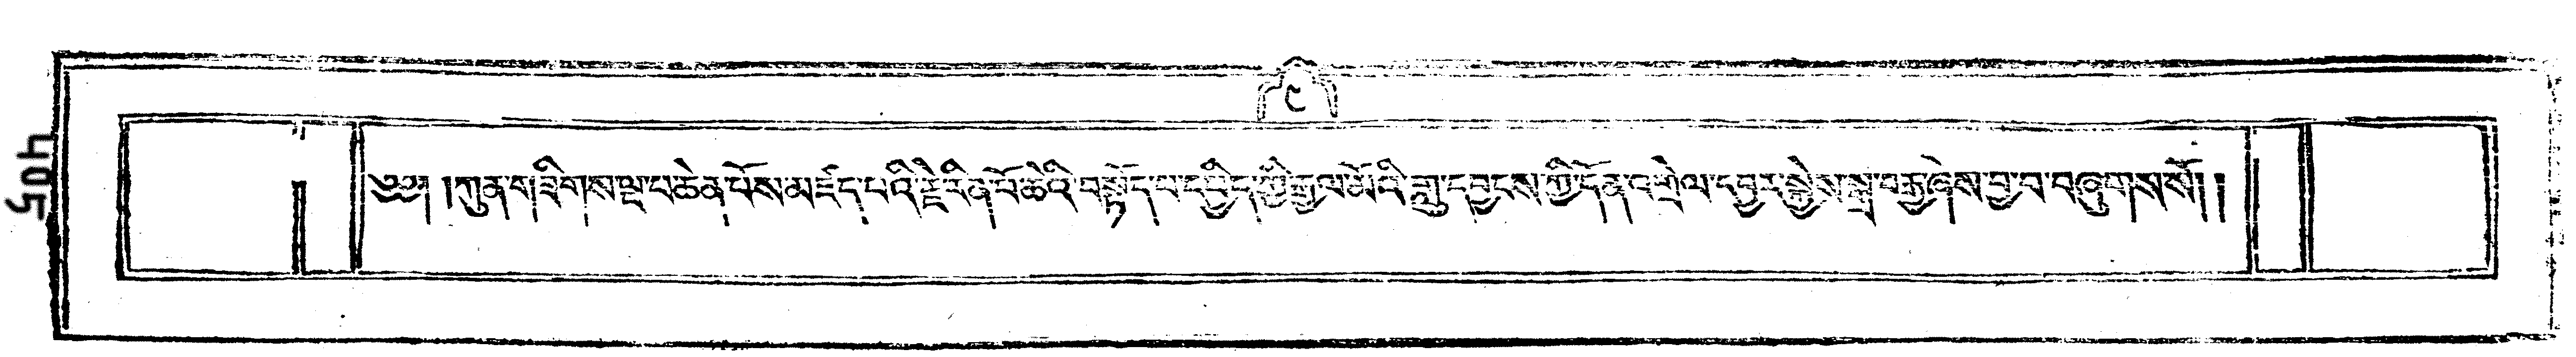༄༅། །ཀུན་གཟིགས་ལྔ་པ་ཆེན་པོས་མཛད་པའི་རྗེ་རིན་པོ་ཆེའི་བསྟོད་པ་དཔྱིད་ཀྱི་རྒྱལ་མོའི་གླུ་དབྱངས་ཀྱི་དོན་འགྲེལ་དབྱར་སྐྱེས་སྒྲ་བརྒྱ་ཞེས་བྱ་བ་བཞུགས་སོ།།